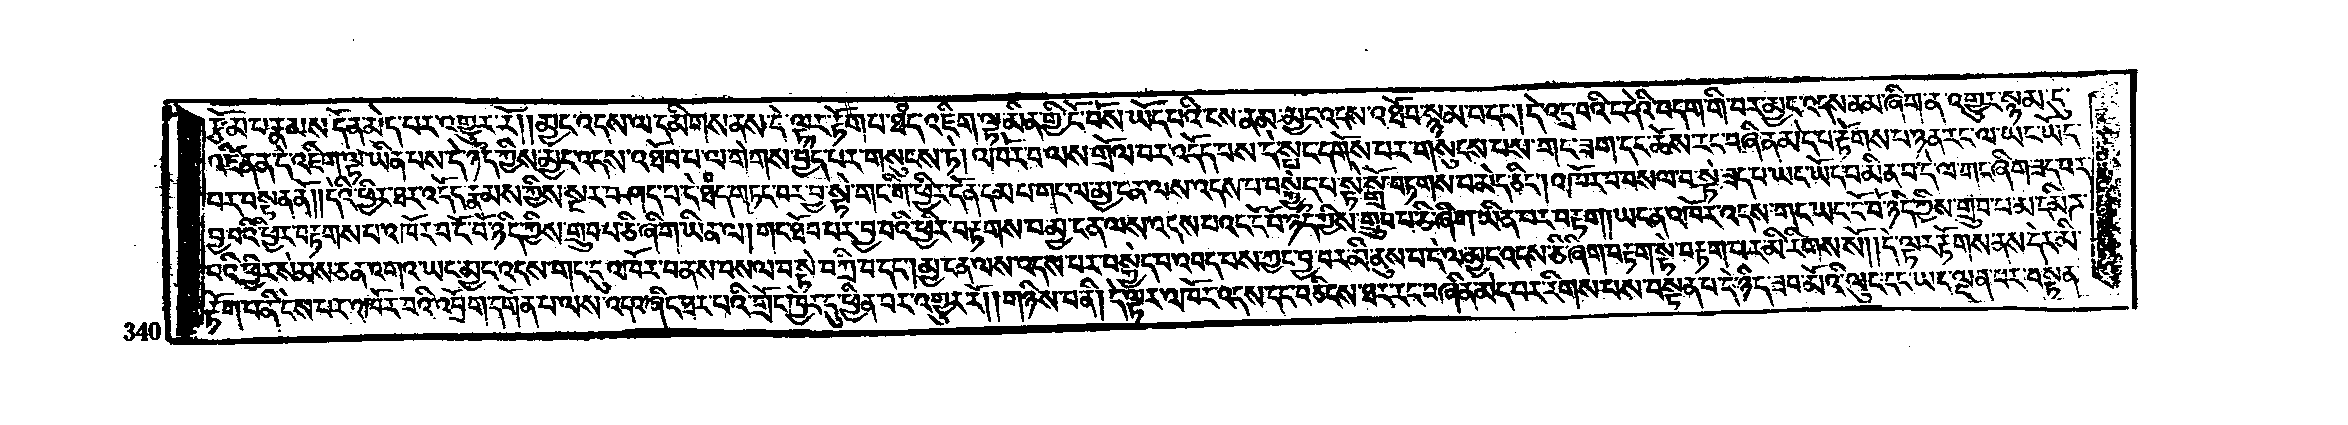རྩོམ་པ་རྣམས་དོན་མེད་པར་འགྱུར་རོ། །མྱང་འདས་ལ་དམིགས་ནས་དེ་ལྟར་རྟོག་པ་ཐོད་འཇིག་ལྟ་མིན་གྱི་ངོ་བོས་ཡོད་པའི་ངས་ནམ་མྱང་འདས་འཐོབ་སྙམ་པ་དང་། དེ་འདྲ་བའི་ང་དེའི་བདག་གི་བར་མྱང་འདས་ནམ་ཞིག་ན་འགྱུར་སྙམ་དུ་
འཛིན་ན་དེ་འཇིག་ལྟ་ཡིན་པས་དེ་ཉིད་ཀྱིས་མྱང་འདས་འཐེབ་པ་ལ་གེགས་བྱེད་པར་གསུངས་ཏེ། འཁོར་བ་ལས་གྲེལ་བར་འདོད་པས་དེ་སྦང་དགོས་པར་གསུངས་པས་གང་ཟག་དང་ཆོས་རང་བཞིན་མེད་པ་རྟོགས་པ་ཉན་རང་ལ་ཡང་ཡོད་
པར་བསྟན་ནོ། །དེའི་ཕྱིར་ཐར་འདོད་རྣམས་ཀྱིས་སྔར་བཤད་པ་དེ་ཐད་གཏང་བར་བྱ་སྟེ་གང་གི་ཕྱིར་དོན་དམ་པ་གང་ལ་མྱ་ངན་ལས་འདས་པ་བསྐྱེད་པ་སྟེ་སྒྲོ་བཏགས་པ་མེད་ཅིང་། འཁོར་བ་བསལ་བ་སྟེ་ཟད་པ་ཡང་ཡོད་པ་མིན་པ་དེ་ལ་གང་ཞིག་ཟད་པར་
བྱ་བའི་ཕྱིར་བརྟགས་པ་འཁོར་བ་ངོ་བོ་ཉིད་ཀྱིས་གྲུབ་བ་ཅི་ཞིག་ཡིན་ལ། གང་ཐོབ་པར་བྱ་བའི་ཕྱིར་བརྟགས་པ་མྱ་ངན་ལས་འདས་པའང་ངོ་བོ་ཉིད་ཀྱིས་གྲུབ་པ་ཅི་ཞིག་ཡིན་པར་བརྟག །ཡང་ན་འཁོར་འདས་གང་ཡང་ངོ་བོ་ཉིད་ཀྱིས་གྲུབ་པ་མ་དམིཌ་
བའི་ཕྱིར་སེམས་ཅན་འགའ་ཡང་མྱང་འདས་གང་དུ་འཁོར་བ་ནས་བསལ་བ་སྟེ་བཀྲི་བ་དང་། མྱ་ངན་ལས་འདས་པར་བསྐྱེད་པ་འབད་པས་ཀྱང་བྱ་བར་མི་ནུས་པ་དེ་ལ་མྱང་འདས་ཅི་ཞིག་བརྟག་སྟེ་བརྟག་པར་མི་རིགས་སོ། །དེ་ལྟར་རྟོགས་ནས་དེར་མི་
རྟོག་པ་ནི་ངེས་པར་འཁོར་བའི་འབྲོག་དགོན་པ་ལས་འདའ་ཞིང་ཐར་པའི་གྲོང་ཁྱེར་དུ་ཕྱིན་པར་འགྱུར་རོ། །གཉིས་པ་ནི། དེ་ལྟར་འཁོར་འདས་དང་བཅིངས་ཐར་རང་བཞིན་མེད་པར་རིགས་པས་བསྟན་པ་དེ་ཉིད་ཟབ་མོའི་ལུང་དང་ཡང་ལྡན་པར་བསྟན་